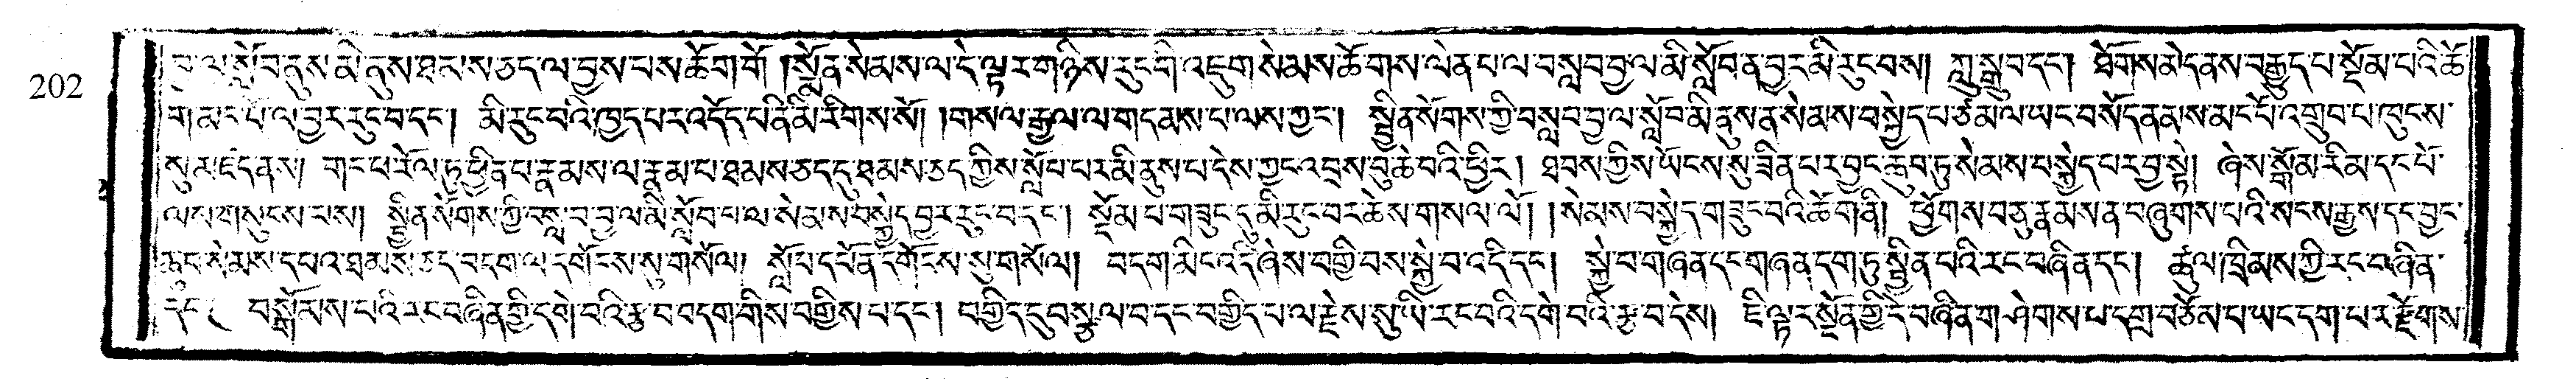བྱ་ལ་སློབ་ནུས་མི་ནུས་ཐམས་ཅད་ལ་བྱས་པས་ཆོག་གོ །སྨོན་སེམས་ལ་དེ་ལྟར་གཉིས་རུང་གི་འཇུག་སེམས་ཆོགས་ལེན་པ་ལ་བསླབ་བྱ་ལ་མི་སློབ་ན་བྱར་མི་རུང་བས། ཀླུ་སྒྲུབ་དང་། ཐོགས་མེད་ནས་བརྒྱུད་པ་སྡོམ་པའི་ཆོ་
ག་མང་པོ་ལ་བྱར་རུང་བ་དང་། མི་རུང་བའི་ཁྱད་པར་འདོད་པ་ནི་མི་རིགས་སོ། །གསལ་རྒྱལ་ལ་གདམས་པ་ལས་ཀྱང་། སྦྱིན་སོགས་ཀྱི་བསླབ་བྱ་ལ་སློབ་མི་ནུས་ན་སེམས་བསྐྱེད་པ་ཙམ་ལ་ཡང་བསོད་ནམས་མང་པོ་འགྲུབ་པ་ཁུངས་
སུ་མཛད་ནས། གང་ཕ་རོལ་ཏུ་ཕྱིན་པ་རྣམས་ལ་རྣམ་པ་ཐམས་ཅད་དུ་ཐམས་ཅད་ཀྱིས་སློབ་པར་མི་ནུས་པ་དེས་ཀྱང་འབྲས་བུ་ཆེ་བའི་ཕྱིར། ཐབས་ཀྱིས་ཡོངས་སུ་ཟིན་པར་བྱང་ཆུབ་ཏུ་སེམས་བསྐྱེད་པར་བྱ་སྟེ། ཞེས་སྒོམ་རིམ་དང་པོ་
ལས་གསུངས་པས། སྦྱིན་སོགས་ཀྱི་བསླབ་བྱ་ལ་མི་སློབ་པ་ལ་སེམས་བསྐྱེད་བྱར་རུང་བ་དང་། སྡོམ་པ་གཟུང་དུ་མི་རུང་བར་ཆེས་གསལ་ལོ། །སེམས་བསྐྱེད་གཟུང་བའི་ཆོག་ནི། ཕྱོགས་བཅུ་རྣམས་ན་བཞུགས་པའི་སངས་རྒྱས་དང་བྱང་
ཆུབ་སེམས་དཔའ་ཐམས་ཅད་བདག་ལ་དགོངས་སུ་གསོལ། སློབ་དཔོན་དགོངས་སུ་གསོལ། །བདག་མིང་འདི་ཞེས་བགྱི་བས་སྐྱེ་བ་འདི་དང་། སྐྱེ་བ་གཞན་དང་གཞན་དག་ཏུ་སྦྱིན་པའི་རང་བཞིན་དང་། ཚུལ་ཁྲིམས་ཀྱི་རང་བཞིན་
དང་༑ བསྒོམས་པའི་རང་བཞིན་གྱི་དགེ་བའི་རྩ་བ་བདག་གིས་བགྱིས་པ་དང་། བགྱིད་དུ་བསྩལ་བ་དང་བགྱིད་པ་ལ་རྗེས་སུ་ཡི་རང་བའི་དགེ་བའི་རྩ་བ་དེས། ཇི་ལྟར་སྔོན་གྱི་དེ་བཞིན་གཤེགས་པ་དགྲ་བཅོམ་པ་ཡང་དག་པར་རྫོགས་